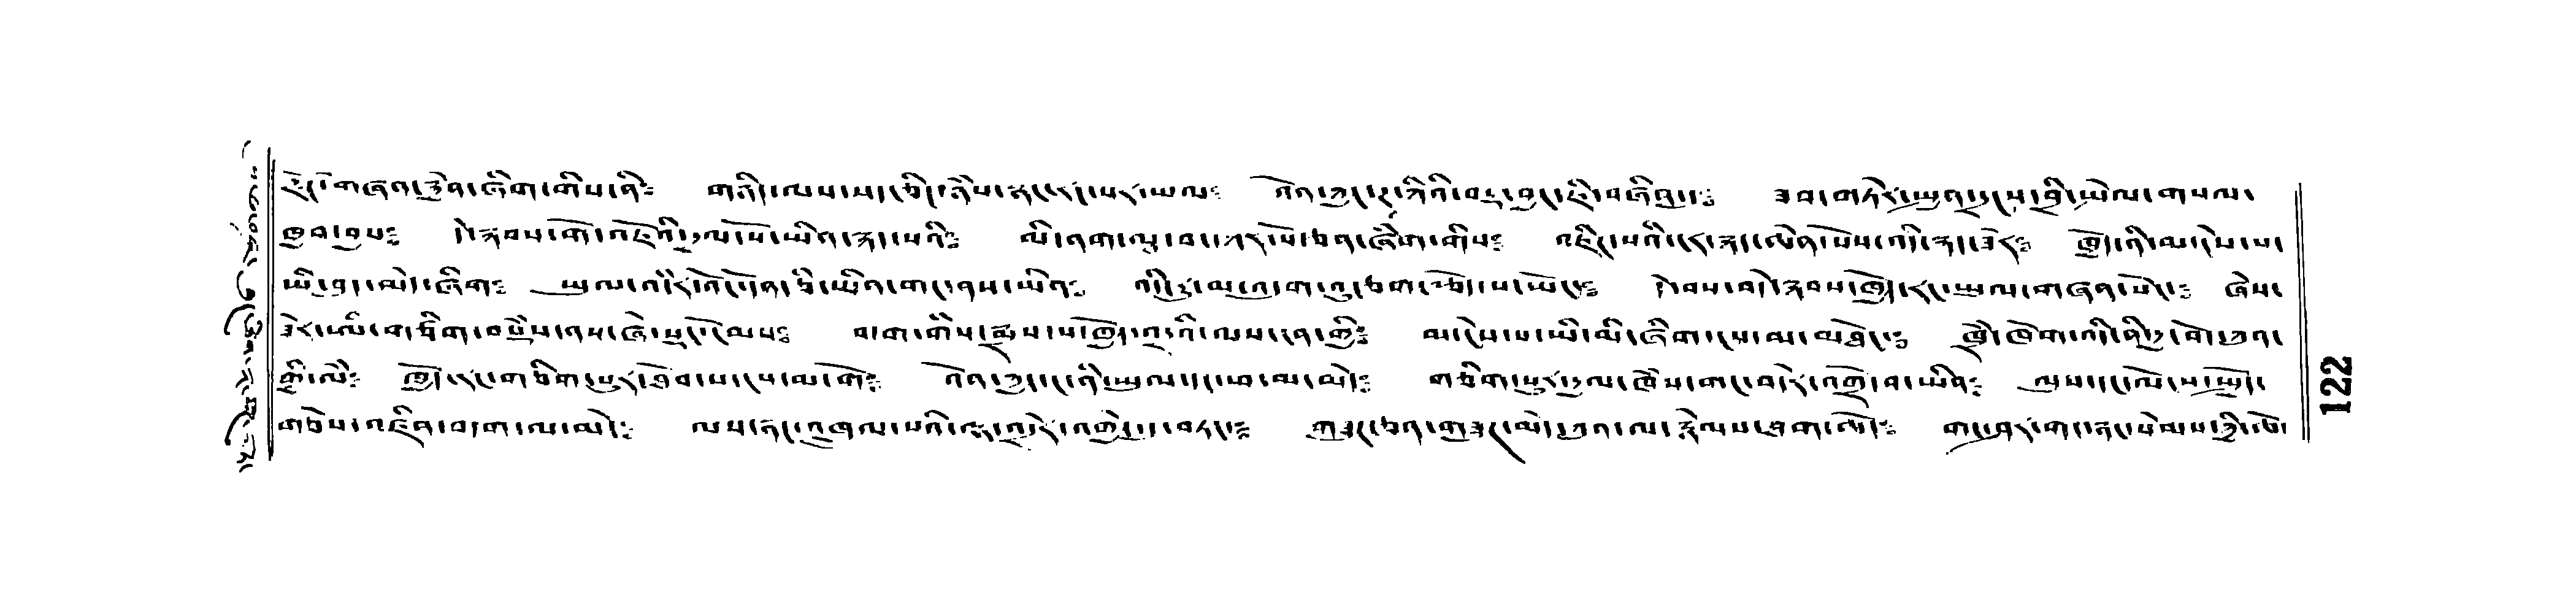རྫོགས་གཞན་རྐྱེན་ཞིག་གིས་ནི༔ གཉིད་ལས་སད་ཅིང་ཉམས་སྣང་རང་སར་ཡལ༔ འོན་ཀྱང་ཌཱ་ཀིའི་བརྡ་བྱང་ཇི་བཞིན་དུ༔ ཟབ་གཏེར་སྤྱན་དྲངས་བྲི་སྤེལ་གསལ་
ཁྱབ་བྱས༔དེ་སྐབས་གོ་འཇོའི་རྒྱལ་པོ་ཡིན་སྐད་པའི༔ མི་ནག་ལྭ་བ་དཀར་པོ་ཅན་ཞིག་གིས༔ འཇིགས་པའི་ངར་སྐད་ཆེན་པོས་འདི་སྐད་ཟེར༔ ཁྱོད་ནི་མ་ངེས་པ་
ཡི་བུད་མེད་ཞིག༔ ཡུལ་འདིར་འོག་དོན་ཅི་ཡིན་གང་ནས་ཡིན༔ འདི་རུ་མ་འདུག་འུ་ཅག་རྩོད་པ་ཡོང༔ དེ་བས་བདེ་སྐབས་ཁྱོད་རང་ཡུལ་གཞན་སོང༔ ཞེས་
ཟེར་ཨཾ་གཙིག་བསྡམ་ནས་ཞེ་སྡང་ངོམས༔ བདག་གིས་སྨྲས་པ་ཁྱོད་འདྲའི་ལས་ངན་གྱི༔ མ་ངེས་པ་ཡི་མི་ཞིག་ངས་མ་མཐོང༔ ཁྲམ་ཁོག་འདི་ནི་རྒྱ་བོད་ཀུན་
གྱི་ལམ༔ ཁྱོད་རང་གཅིག་པུར་ཐོབ་པ་ངས་མ་གོ༔ འོན་ཀྱང་ང་ནི་ཡུལ་དང་ཕ་མ་མེད༔ གཅིག་པུར་རྒྱལ་ཁམས་གང་བདེར་འགྲོ་བ་ཡིན༔ ལུས་དང་ལོངས་སྤྱོད་
གཅེས་འཛིན་བདག་ལ་མེད༔ ལས་སྣང་འཁྲུལ་པའི་ལྷ་འདྲེར་འགྱེད་དུ་བཏང༔ གཟུགས་ཅན་གཟུགས་མེད་ཀུན་ལ་སྙེམས་ཐག་ཆོད༔ གང་ཤར་གང་སྣང་སེམས་ཀྱི་ཆོ་